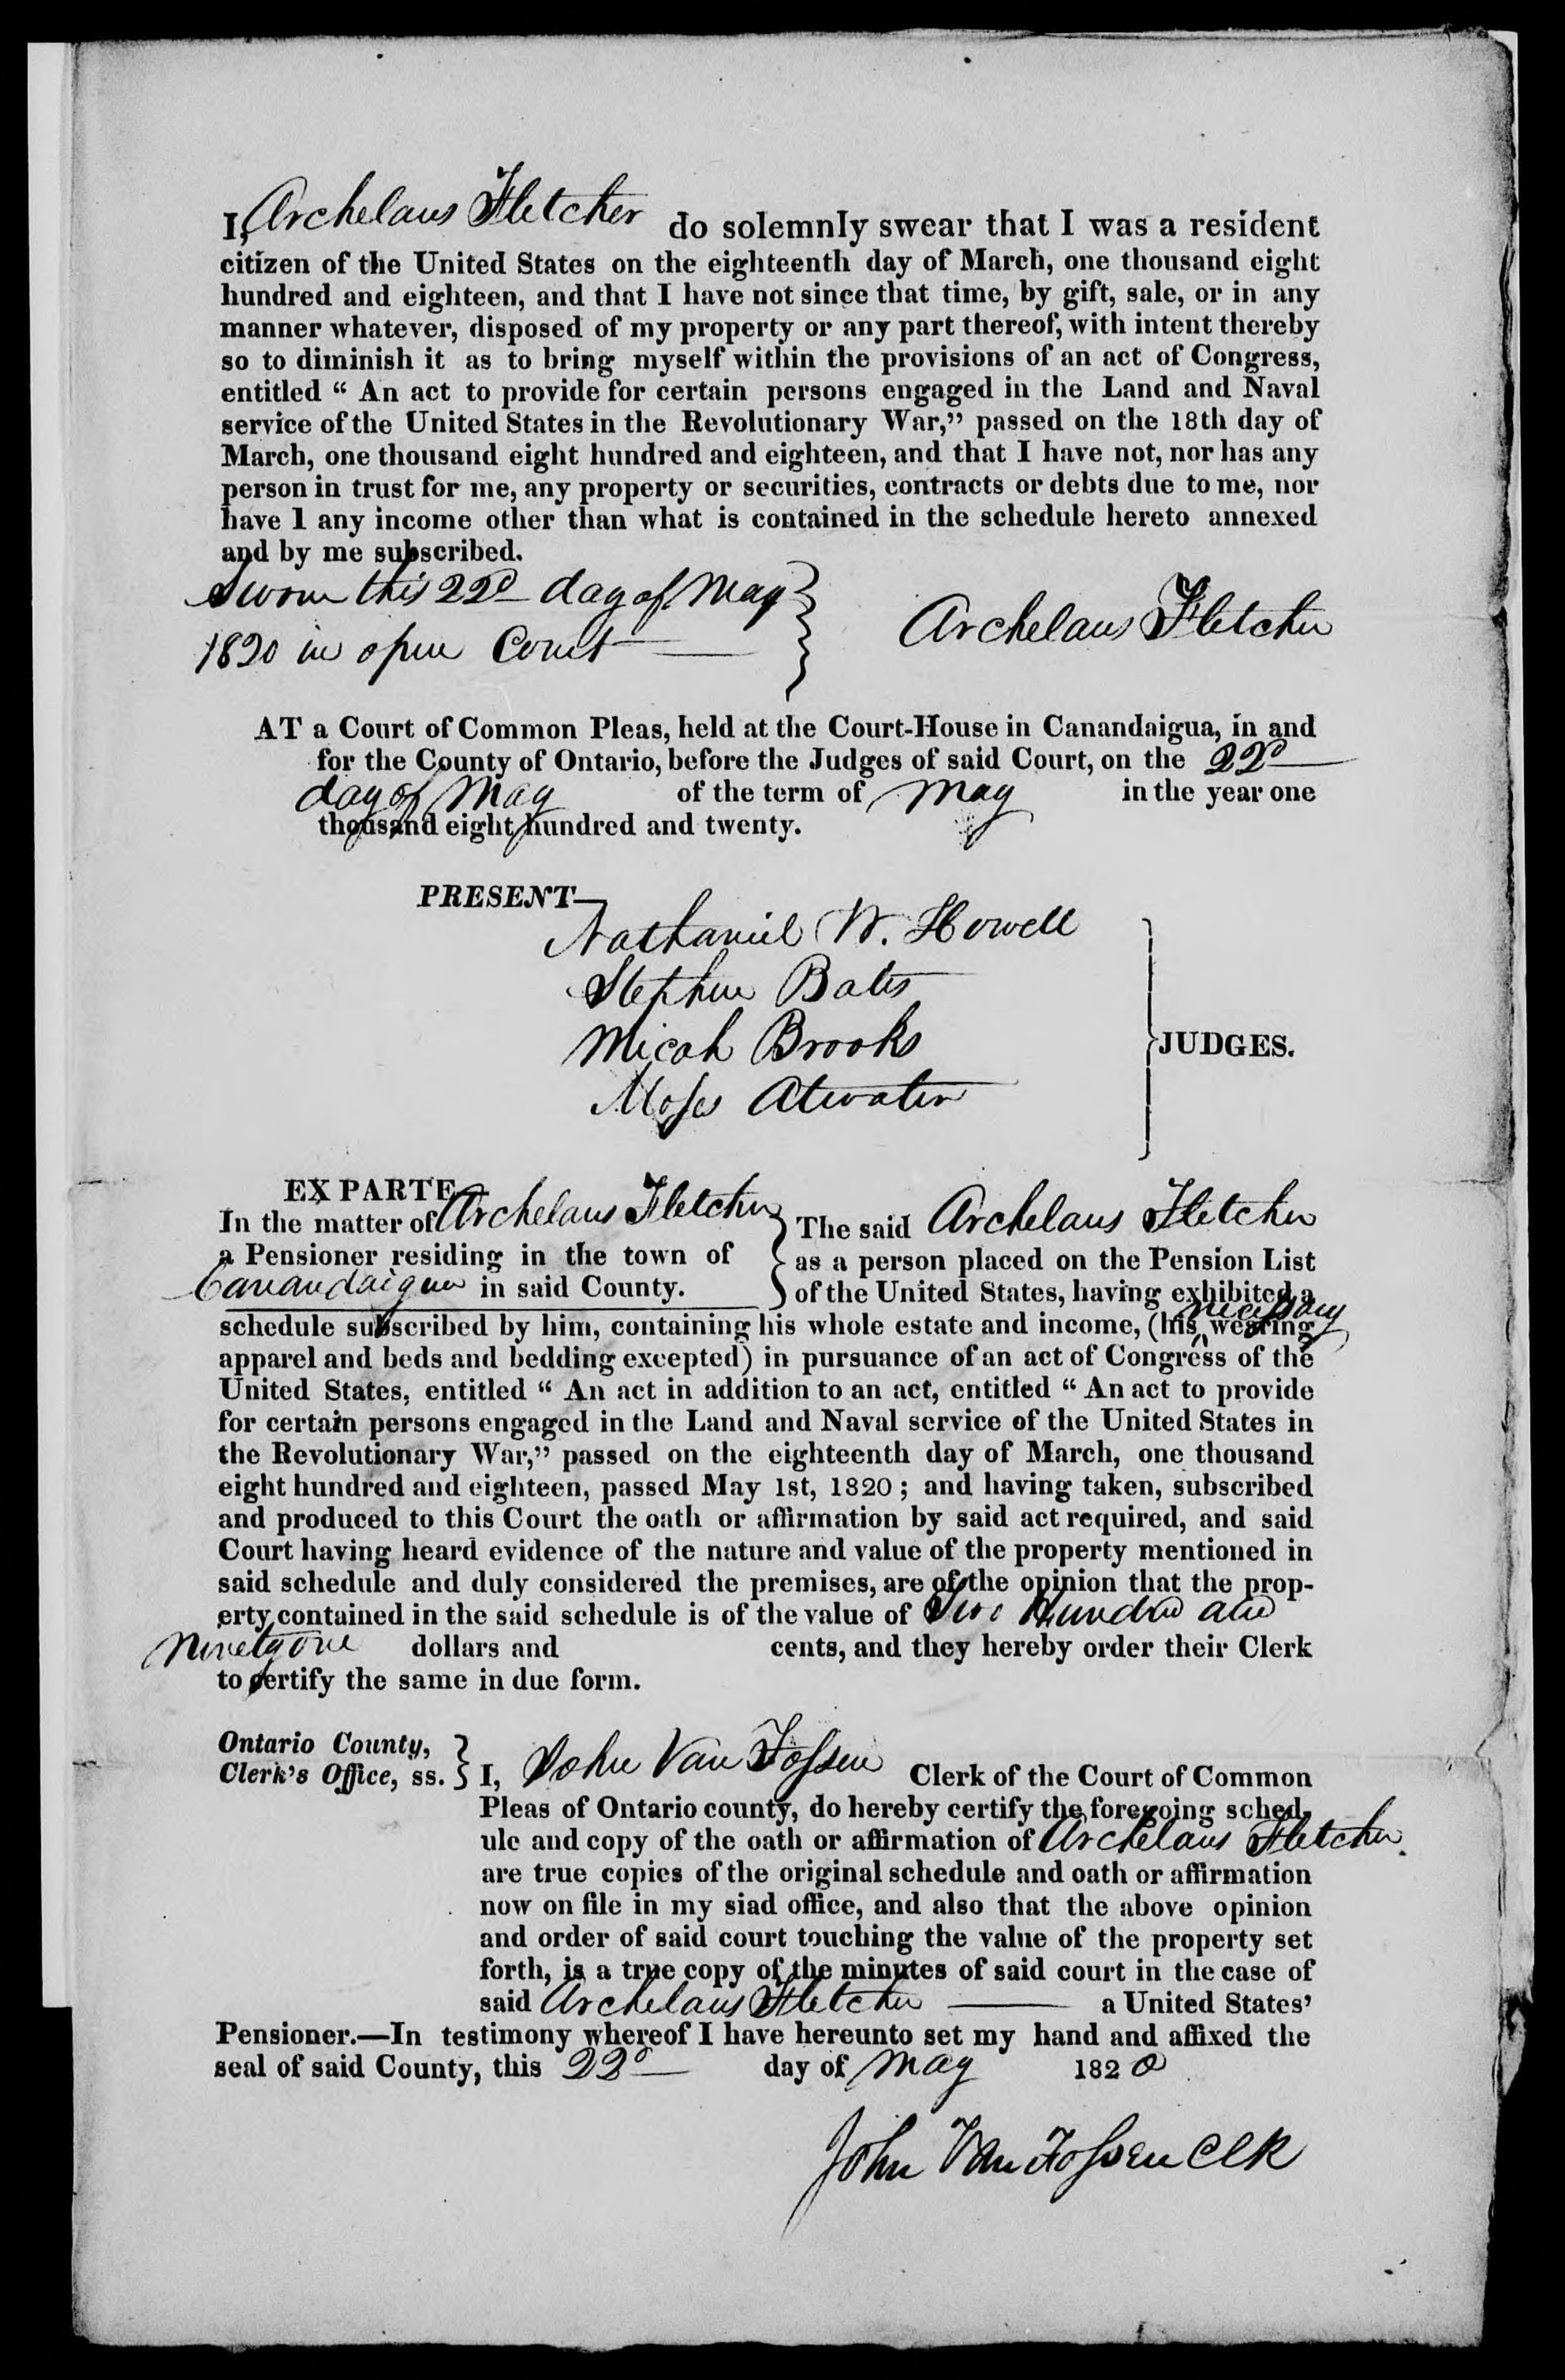I, [handwritten]Archelaus Fletcher [end handwritten] do solemnly swear that I was a resident citizen of the United States on the eighteenth day of March, one thousand eight hundred and eighteen, and that I have not since that time, by gift, sale, or in any manner whatever, disposed of my property or any part thereof, with intent thereby so to diminish it as to bring myself within the provisions of an act of Congress, entitled “An act to provide for certain persons engaged in Land and Naval services of the United States in the Revolutionary War,” passed on the 18th day of March, one thousand eight hundred and eighteen, and that I have not, nor has any person in trust for me, any property or securities, contracts or debts due to me, nor have I any income other than what is contained in the schedule hereto annexed and by me subscribed.  

[handwritten]
Sworn this 22nd day of May 1820 in open Court} Archelaus Fletcher
[end handwritten]

AT a Court of Common Pleas, held at the Court-House in Canandaigua, in and for the County of Ontario, before the Judges of said Court, on the [handwritten] 22nd day of May [end handwritten] of the therm of May in the year one thousand eight hundred and twenty.

PRESENT
[Handwritten]
Nathaniel W. Howell
Stephen Bates
Micah Brooks
Moses Atwater
[end handwritten]
JUDGES.

EX PARTE
In the matter of [handwritten] Archelaus Fletcher [end handwritten] Pensioner residing in the town of Canandaigua in said County. The said Archelaus Fletcher as a person placed on the Pension List of the United States, having exhibited a schedule subscribed by him, containing his whole estate and income, (his [illegible word handwritten above text] wearing apparel and beds bedding excepted) in pursuance of an act of Congress of the United States, entitled “An act in addition to an act, entitled “An act to provide for certain persons engaged in the Land and Naval service of the United States in the Revolutionary War,” passed on the eighteenth day of March, one thousand eight hundred and eighteen, passed May 1st, 1820; and having taken, subscribed and produced to this Court the oath or affirmation by said act required, and said Court having heard evidence of the nature and value of the property mentioned in said schedule and duly considered the premises, are of the opinion that the property contained in the said schedule is of the value of [handwritten] Two Hundred and ninety one [end handwritten] dollars and cents, and they hereby order their Clerk to certify the same in due form.

Ontario County, Clerk’s Office, SS.} I, [handwritten] John Van Fossen [end handwritten] Clerk of Common Pleas of Ontario county, do hereby certify the foregoing schedule and copy of the oath or affirmation of Archelaus Fletcher are true copies of the original schedule and oath or affirmation now on file in my siad office, and also that the above opinion and order of said court touching the value of the property set forth, is a true copy of the minutes of said court in the case of Archelaus Fletcher a United States’ Pensioner. In testimony whereof I have hereunto set my hand and affixed the seal of said County, this 22nd day of May 1820. 

[signature] John Van Fossen Clk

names: Stephen Bates, John Van Fossen, Moses Atwater, Archelaus Fletcher, Archelaus Fletcher, Nathaniel W Howell, Archelaus Fletcher, Micah Brook, John Van Fossen, Archelaus Fletcher, Archelaus Fletcher, Archelaus Fletcher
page: 15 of 18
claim: survivor's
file: S. 44822, Archelaus Fletcher, Mass.